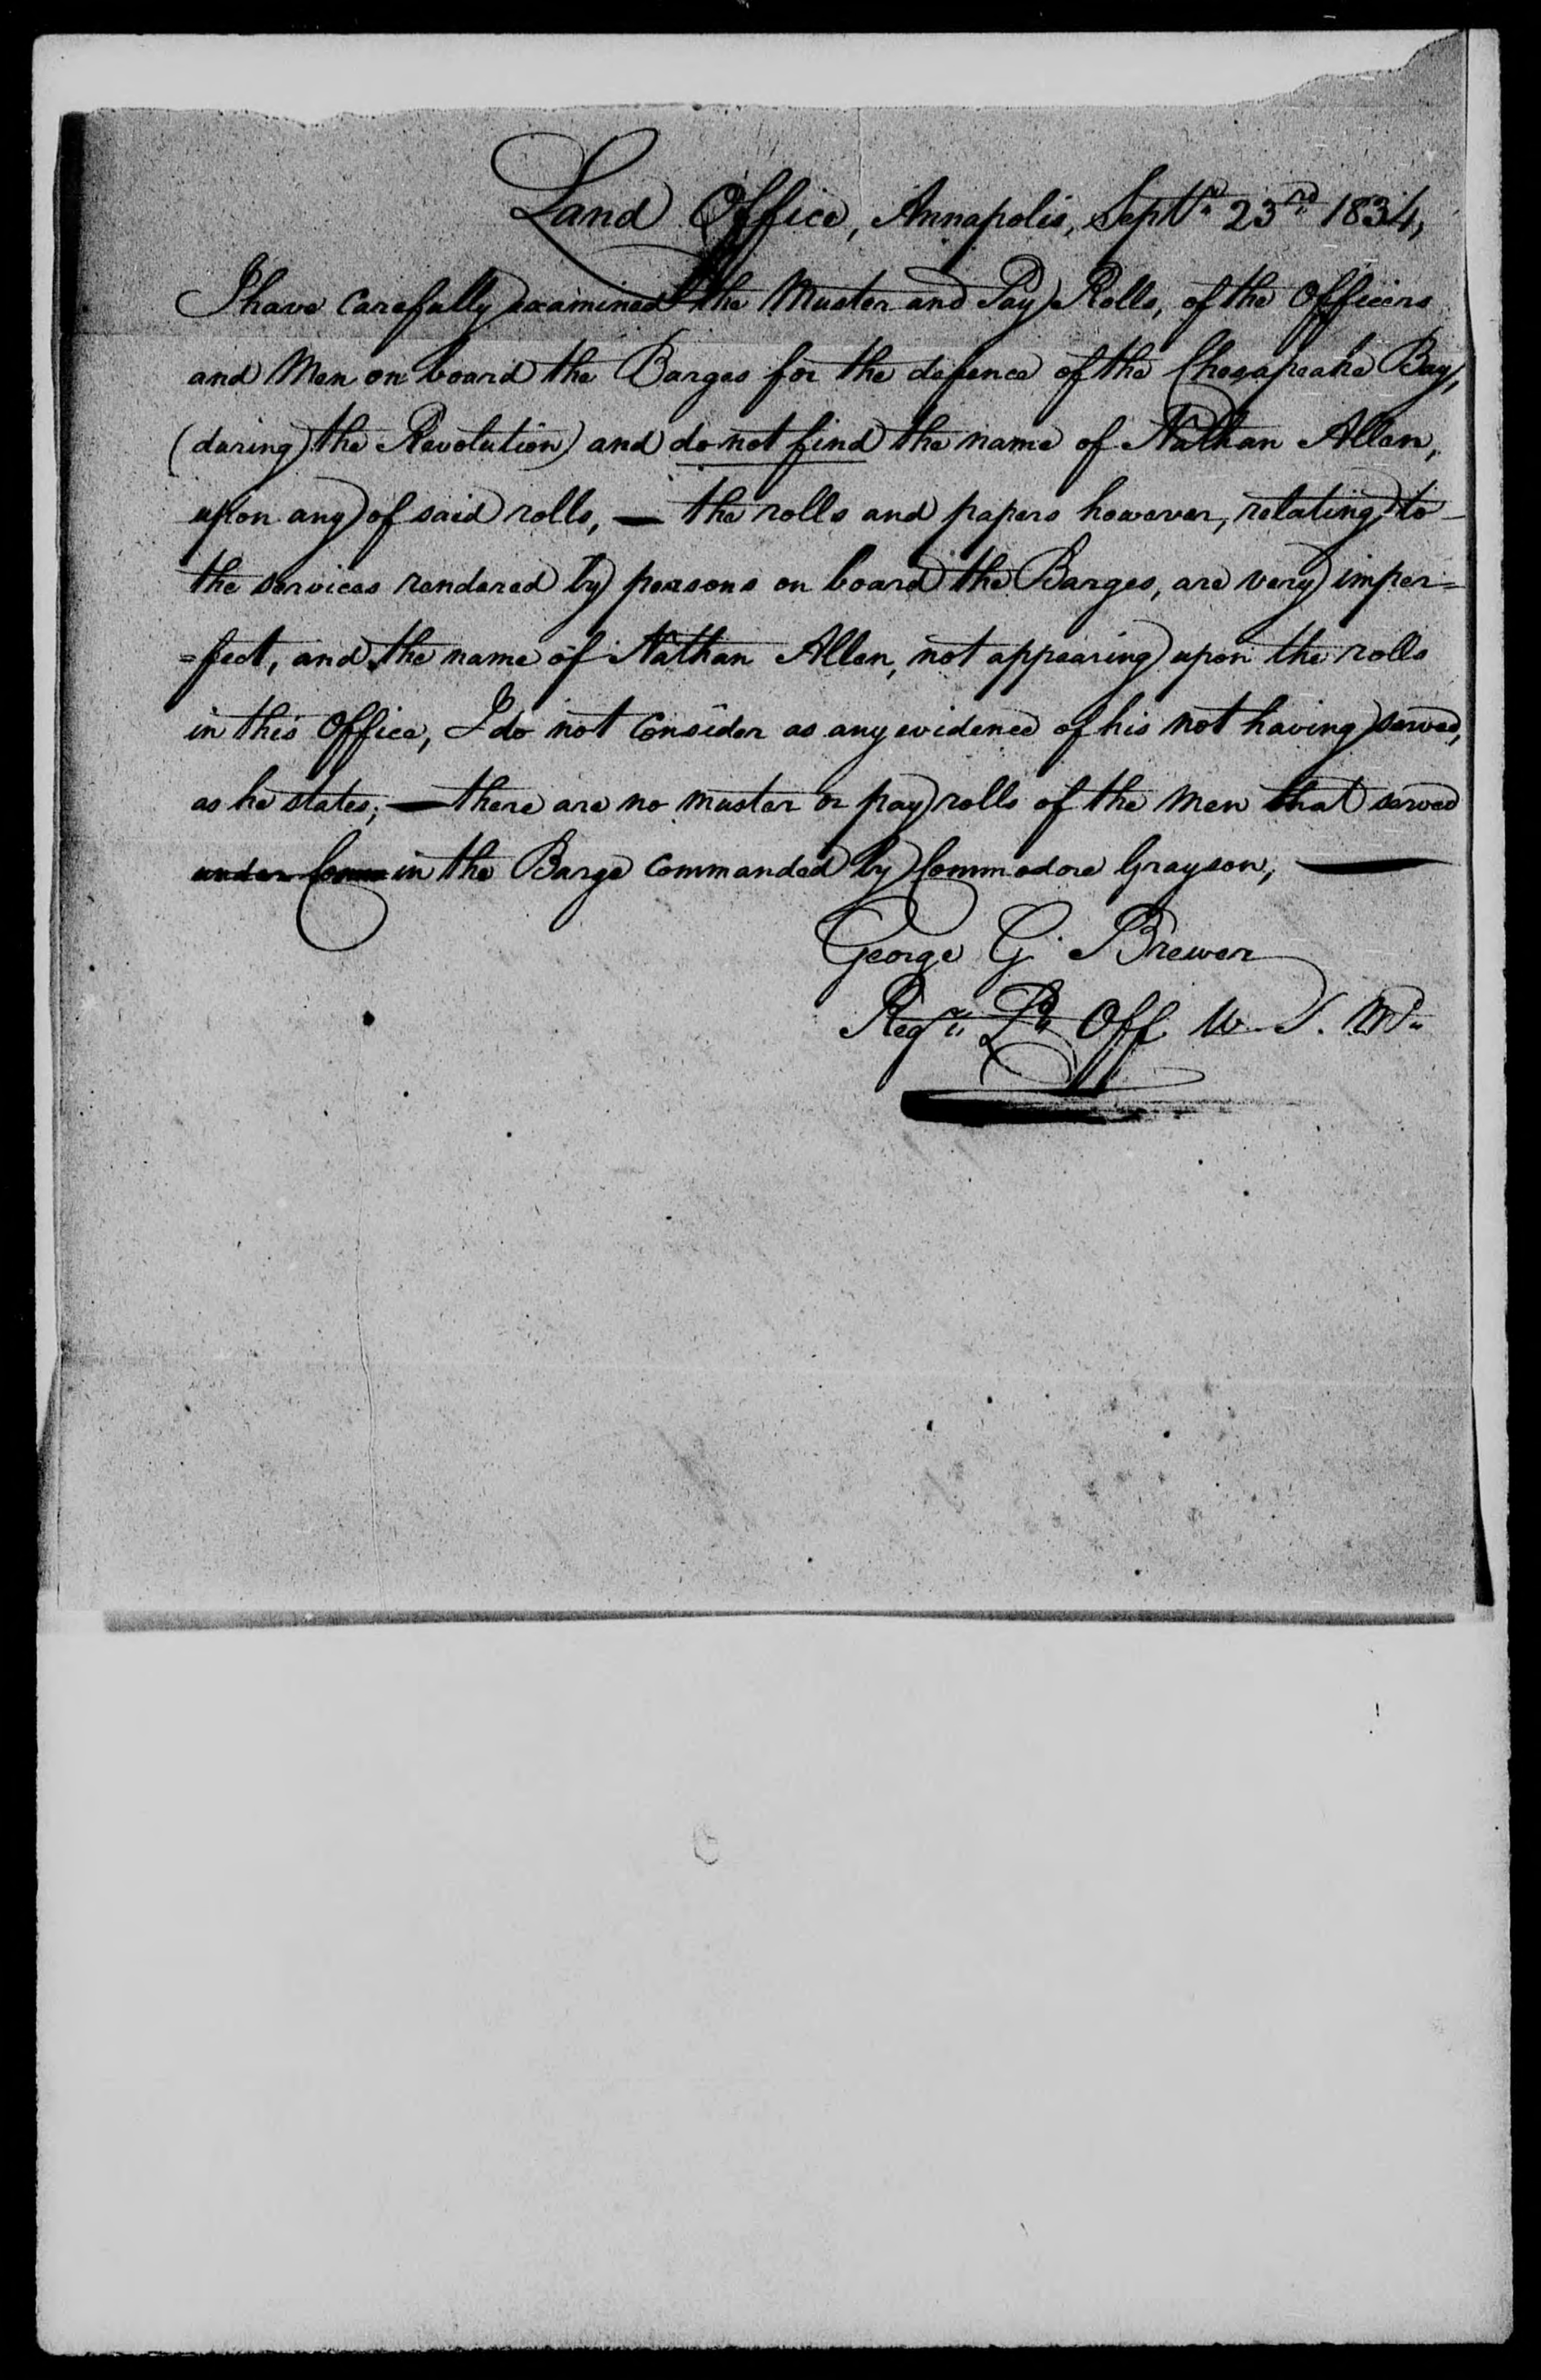Land Office, Annapolis, Sept 23rd, 1834

I have carefully examined the muster and pay rolls of the officers and men on board the barges for the defense of the Chesapeake Bay (during the revolution) and do not find the name of Nathan Allen upon any of said rolls - the rolls and papers however relating to the services rendered by persons on board the barges are very imperfect and the name of Nathan Allen not appearing upon the rolls in this office I do not consider as any evidence of his not having served as he states - there are no muster or payrolls of the men that served under [illegible] in the barge commanded by Commodore Grayson.

George G Brewer
Reg Land Off W.S. MD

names: Nathan Allen, Commodore Grayson, George G Brewer, Nathan Allen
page: 8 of 14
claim: survivor's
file: S. 8,011, Nathan Allen, Md. And Sea Service